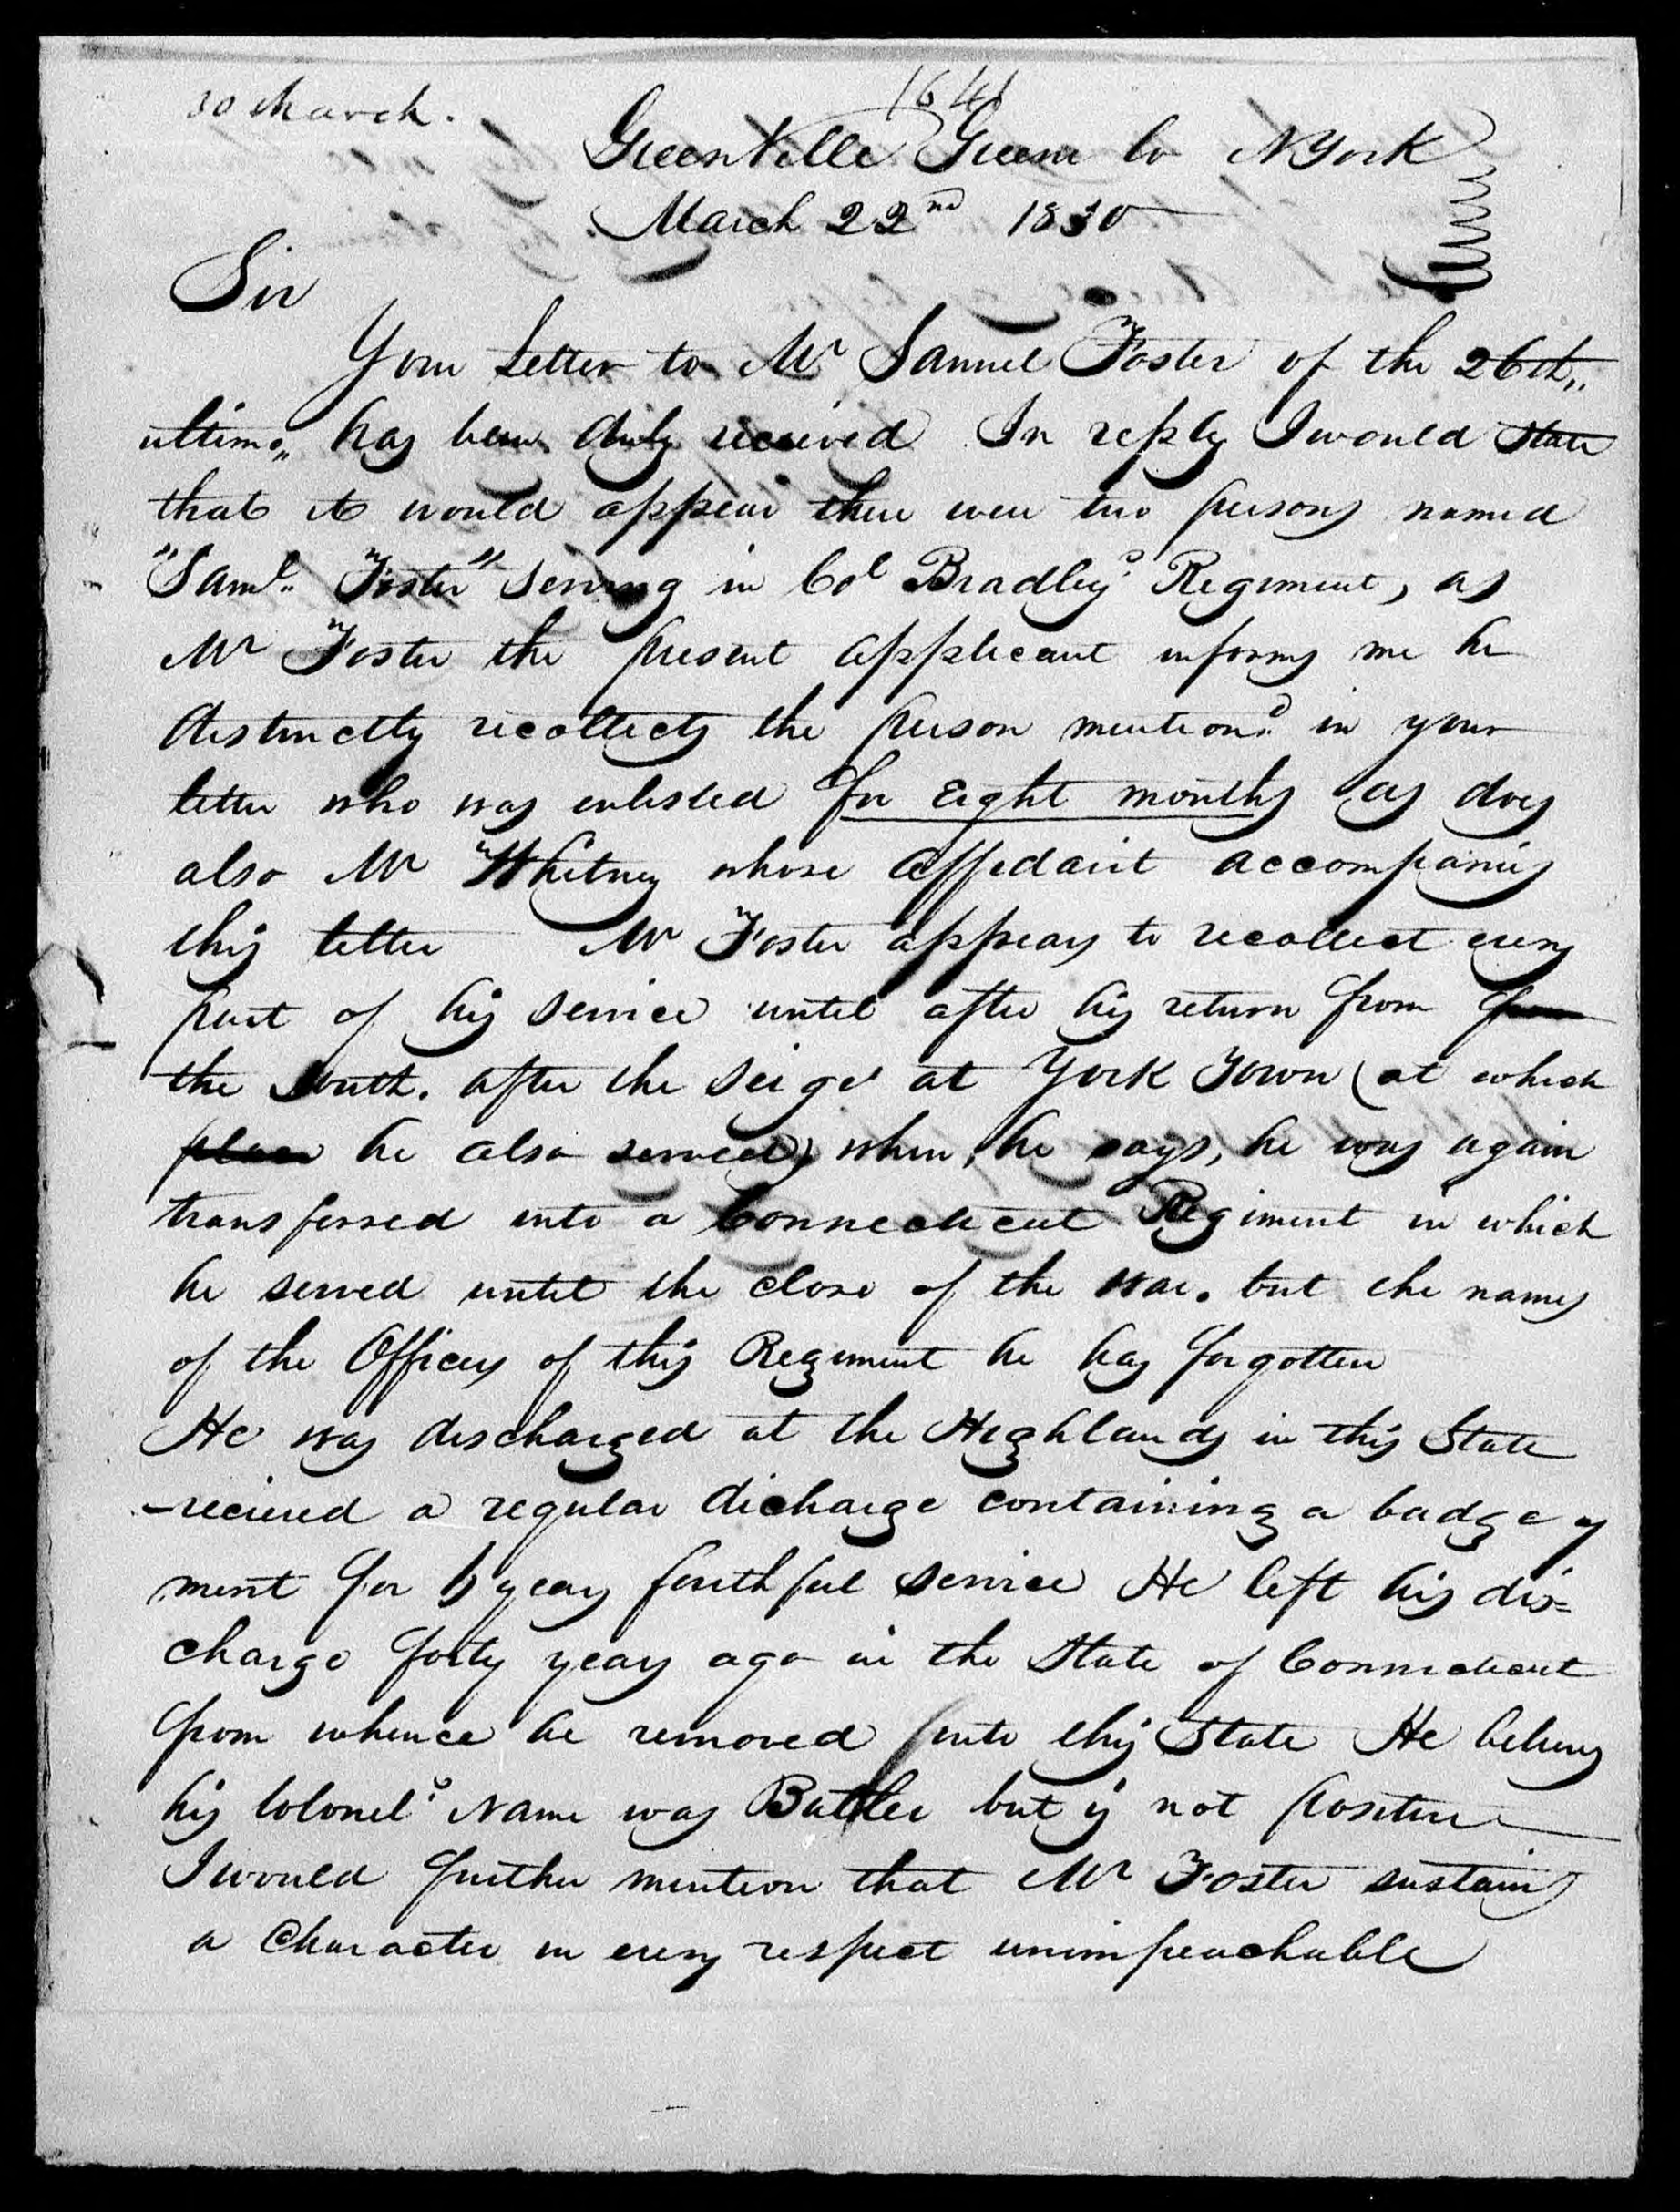30 March. 
1641
GreenVille Greene Co NYork
March 22nd 1830 [handwritten flourish]
Sir
Your letter to Mr Samuel Foster of the 26th ultimo has been duly received In reply I would state that it would appear there were two persons named "Saml. Foster' serving in Col Bradley's Regiment, as Mr Foster the present applicant informs me he distinctly recollects the person mentioned in your letter who was enlisted for Eight months [underlined] as does also Mr Whitney whose affidavit accompanies this letter Mr Foster appears to recollect every part of his service until after his return from [word crossed out] the south. after the siege at York Town (at which [word crossed out] he also served) when, he says, he was again transferred into a Connecticut Regiment in which he served until the close of the war. but the names of the Officers of the Regiment he has forgotten 
He was discharged at the Highlands in this State received a regular discharge containing a badge of merit for 6 years faithful service He left his dis=charge frothy years ago in the State of Connecticut from whence he removed into this State He believes his Colonel's name was Butler but is not positive
I would further mention that Mr Foster sustains a character in very respect unimpeachable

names: Samuel Foster, Foster, Foster, Saml Foster, Whitney, Butler, Foster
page: 45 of 54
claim: survivor's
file: S. 13,043, Samuel Foster, Conn.